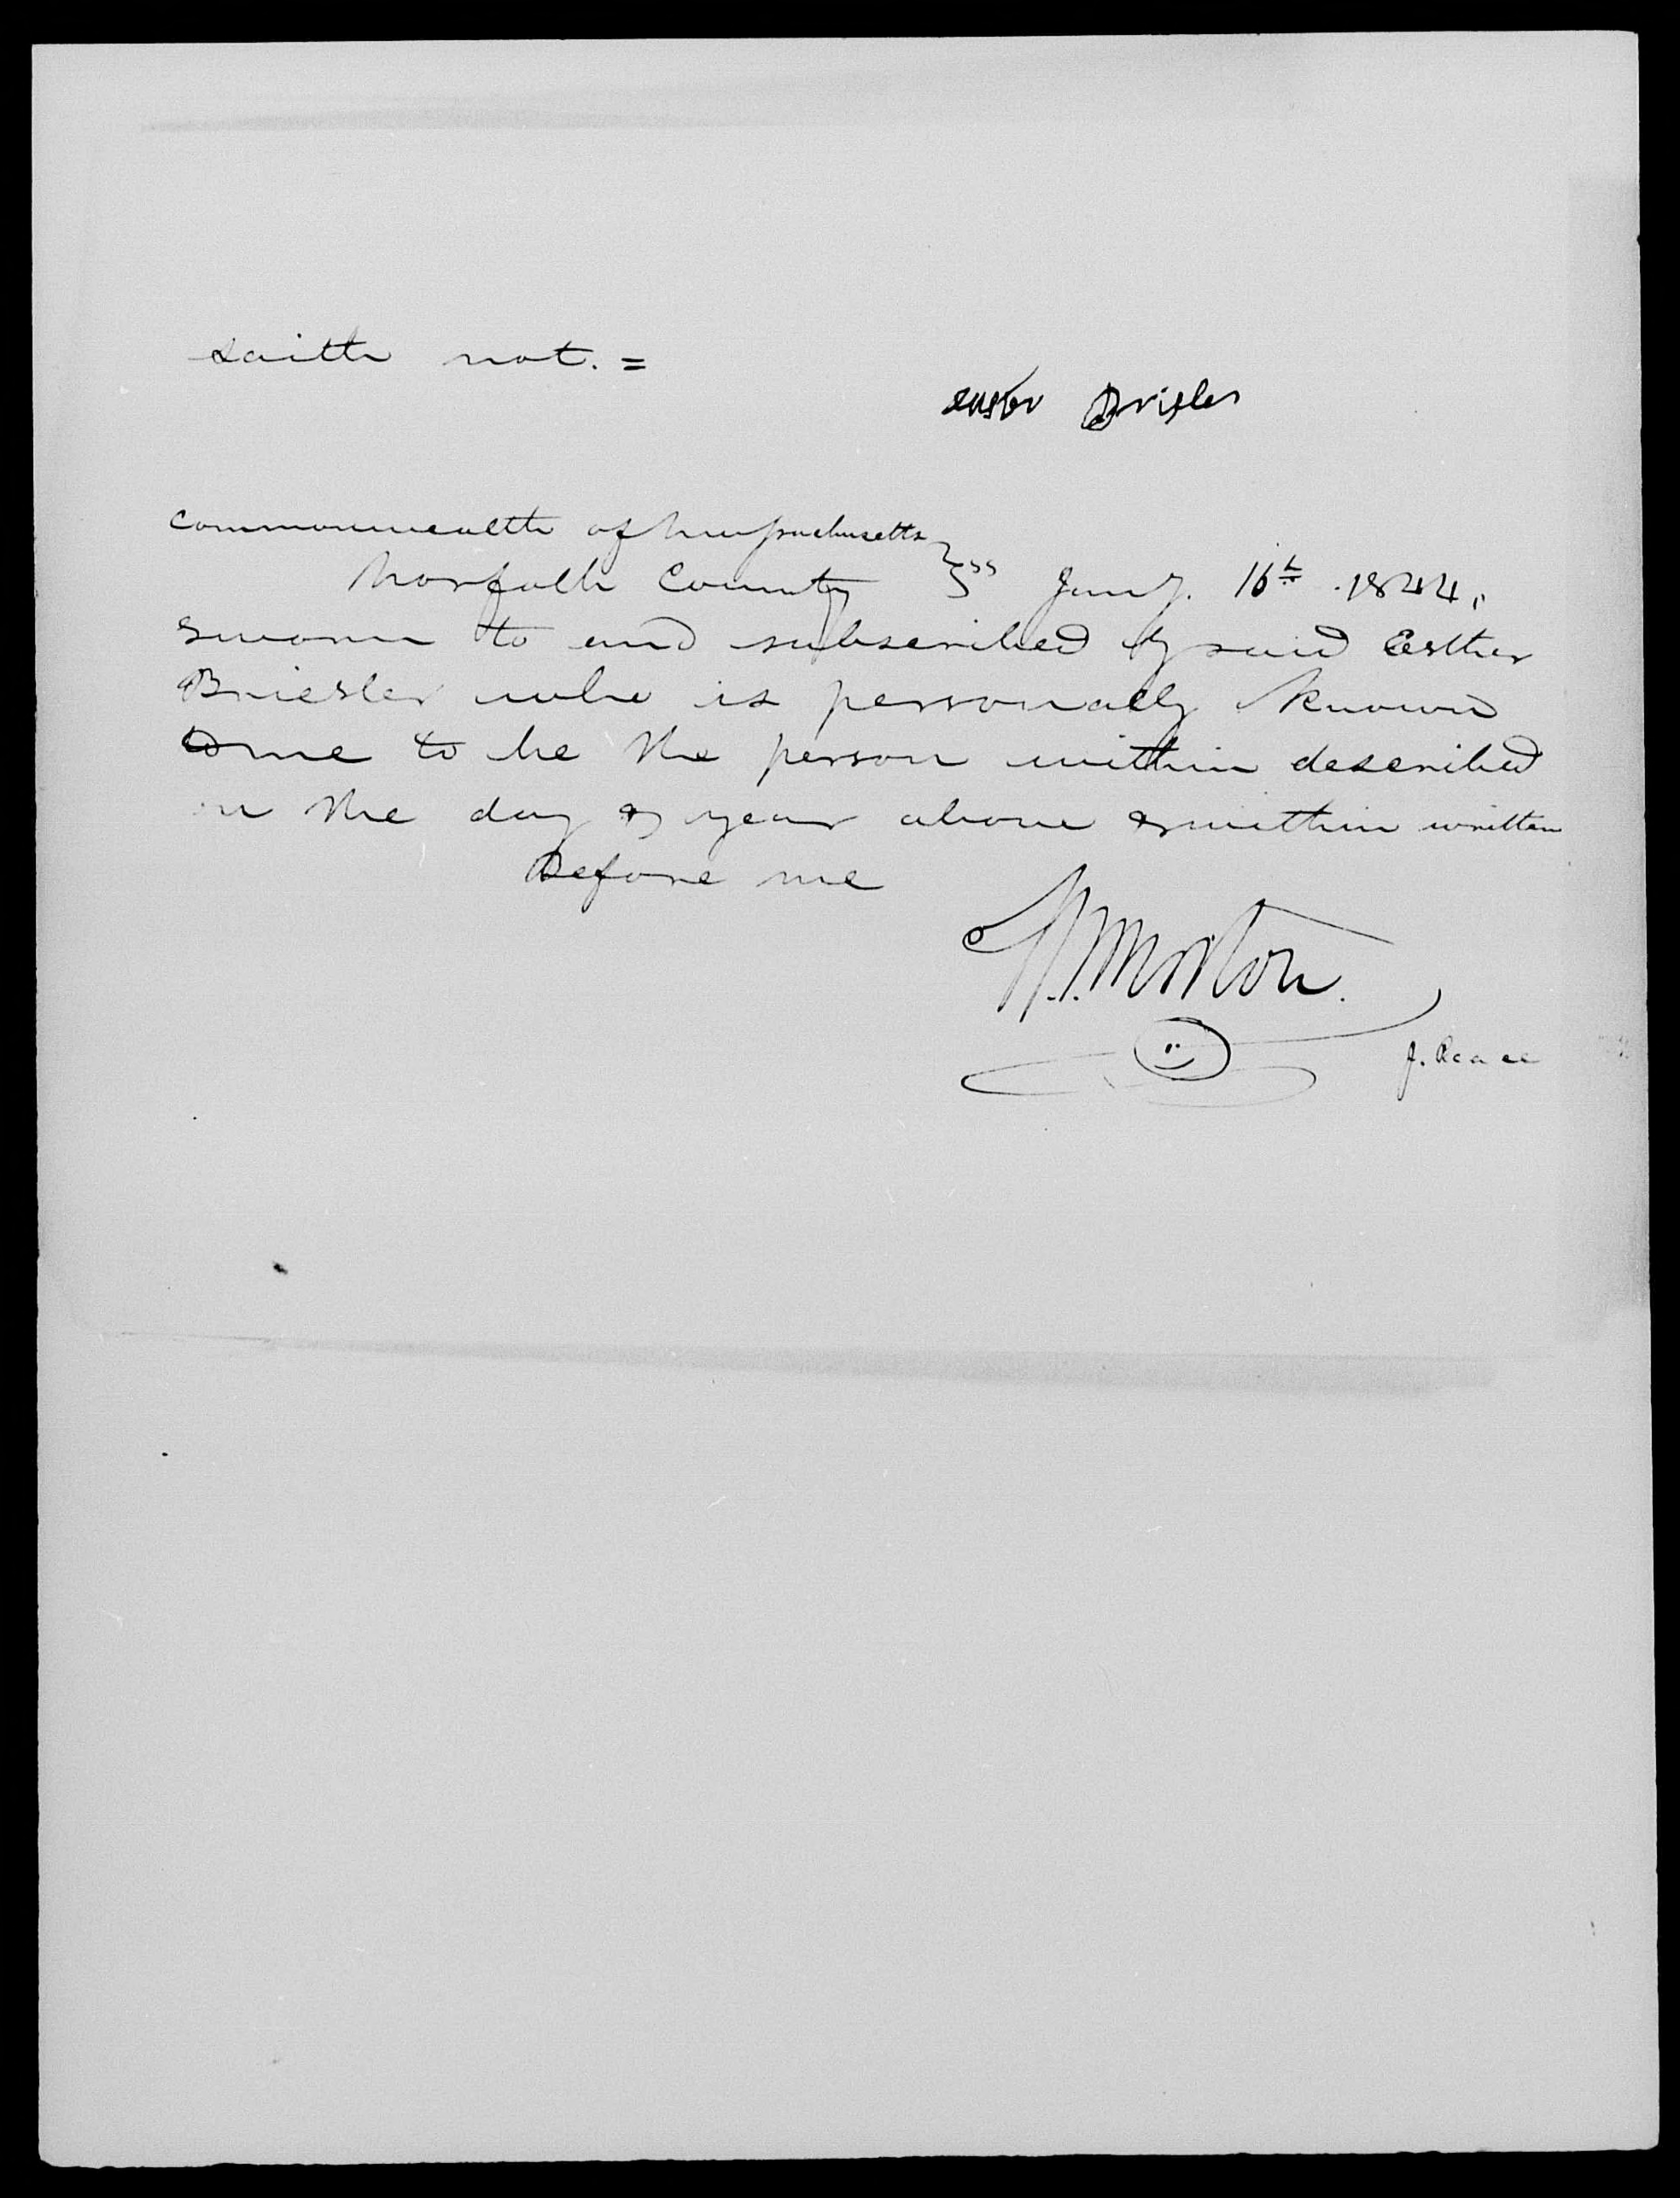saitth not. =
Brisler
Commonwealth of Massachusetts Norfolk County } January 16th 1844 sworn to and subscribed by said Esther Briesler who is personally known to me to be the person within described on the day & year above & within written before me. 
M. Morton J. Peace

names: Aaron Brisler, W S Morton, Esther Briesler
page: 24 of 46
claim: widow's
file: W. 23,673, John Brisler, Mass.